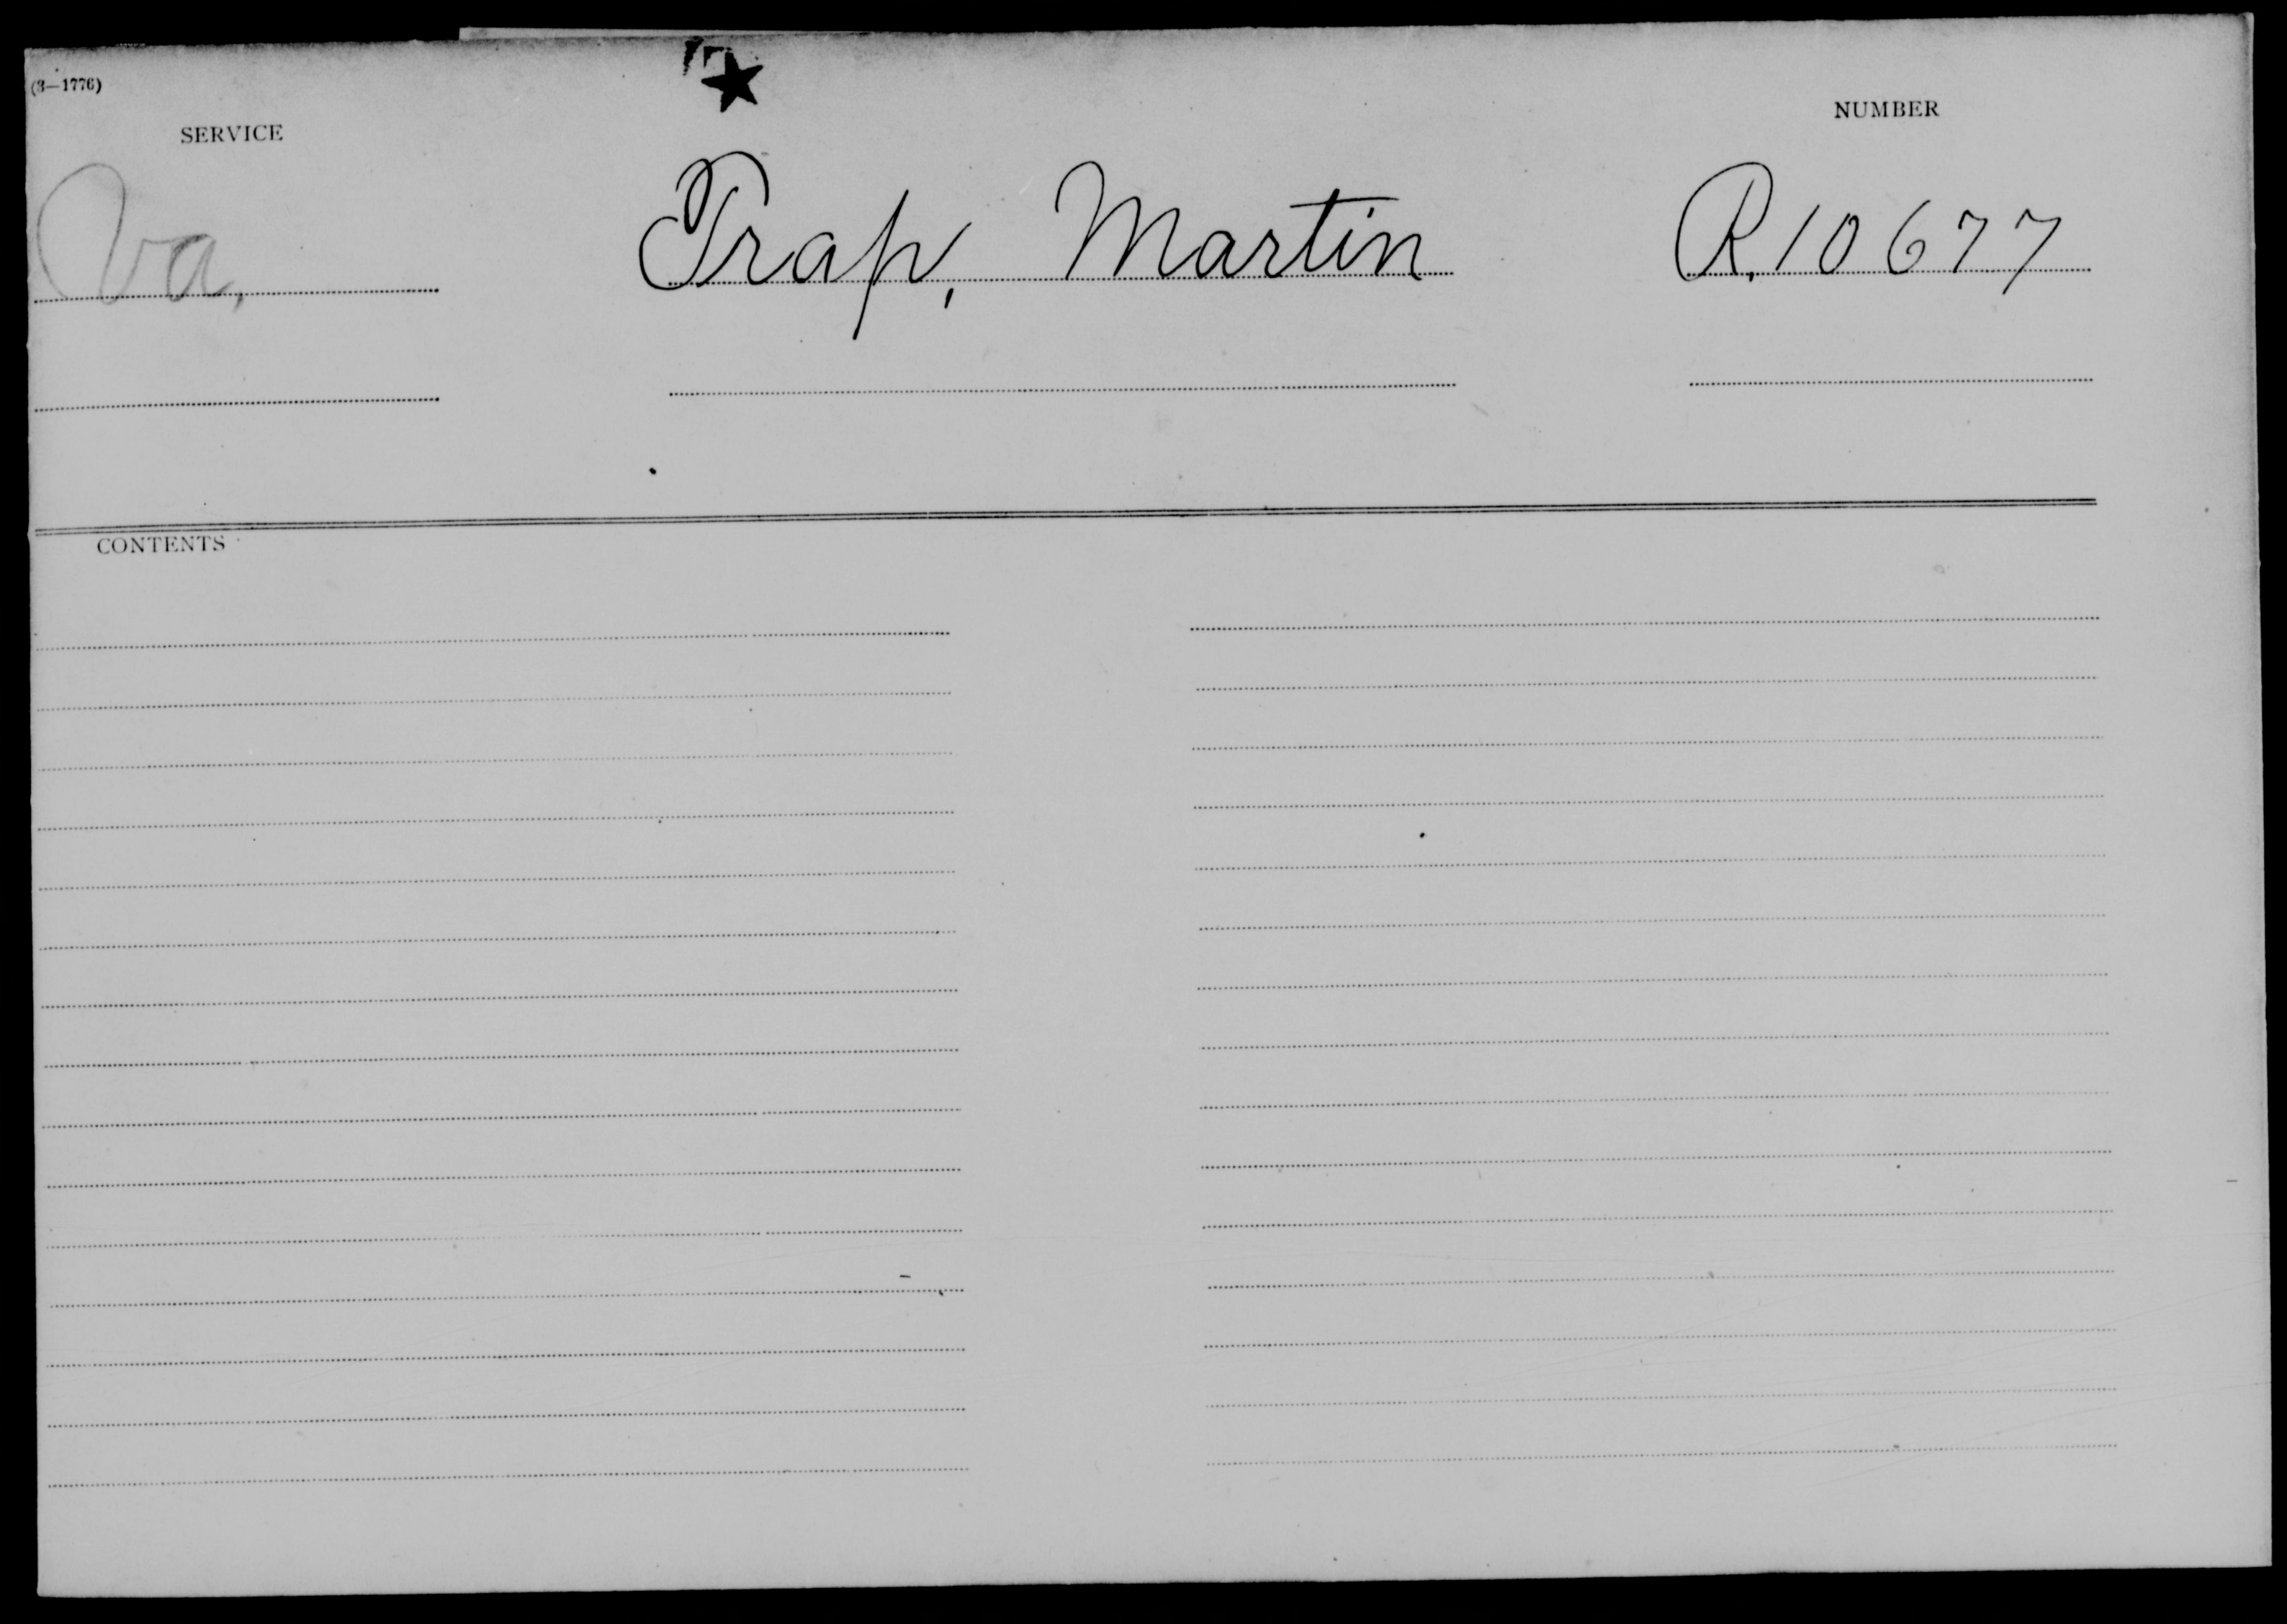[form completed with handwritten responses]

(3-1776)
SERVICE Va,
Trap, Martin   
NUMBER R.10677
CONTENTS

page: 1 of 8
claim: rejected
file: R. 10677, Martin Trap, Va.